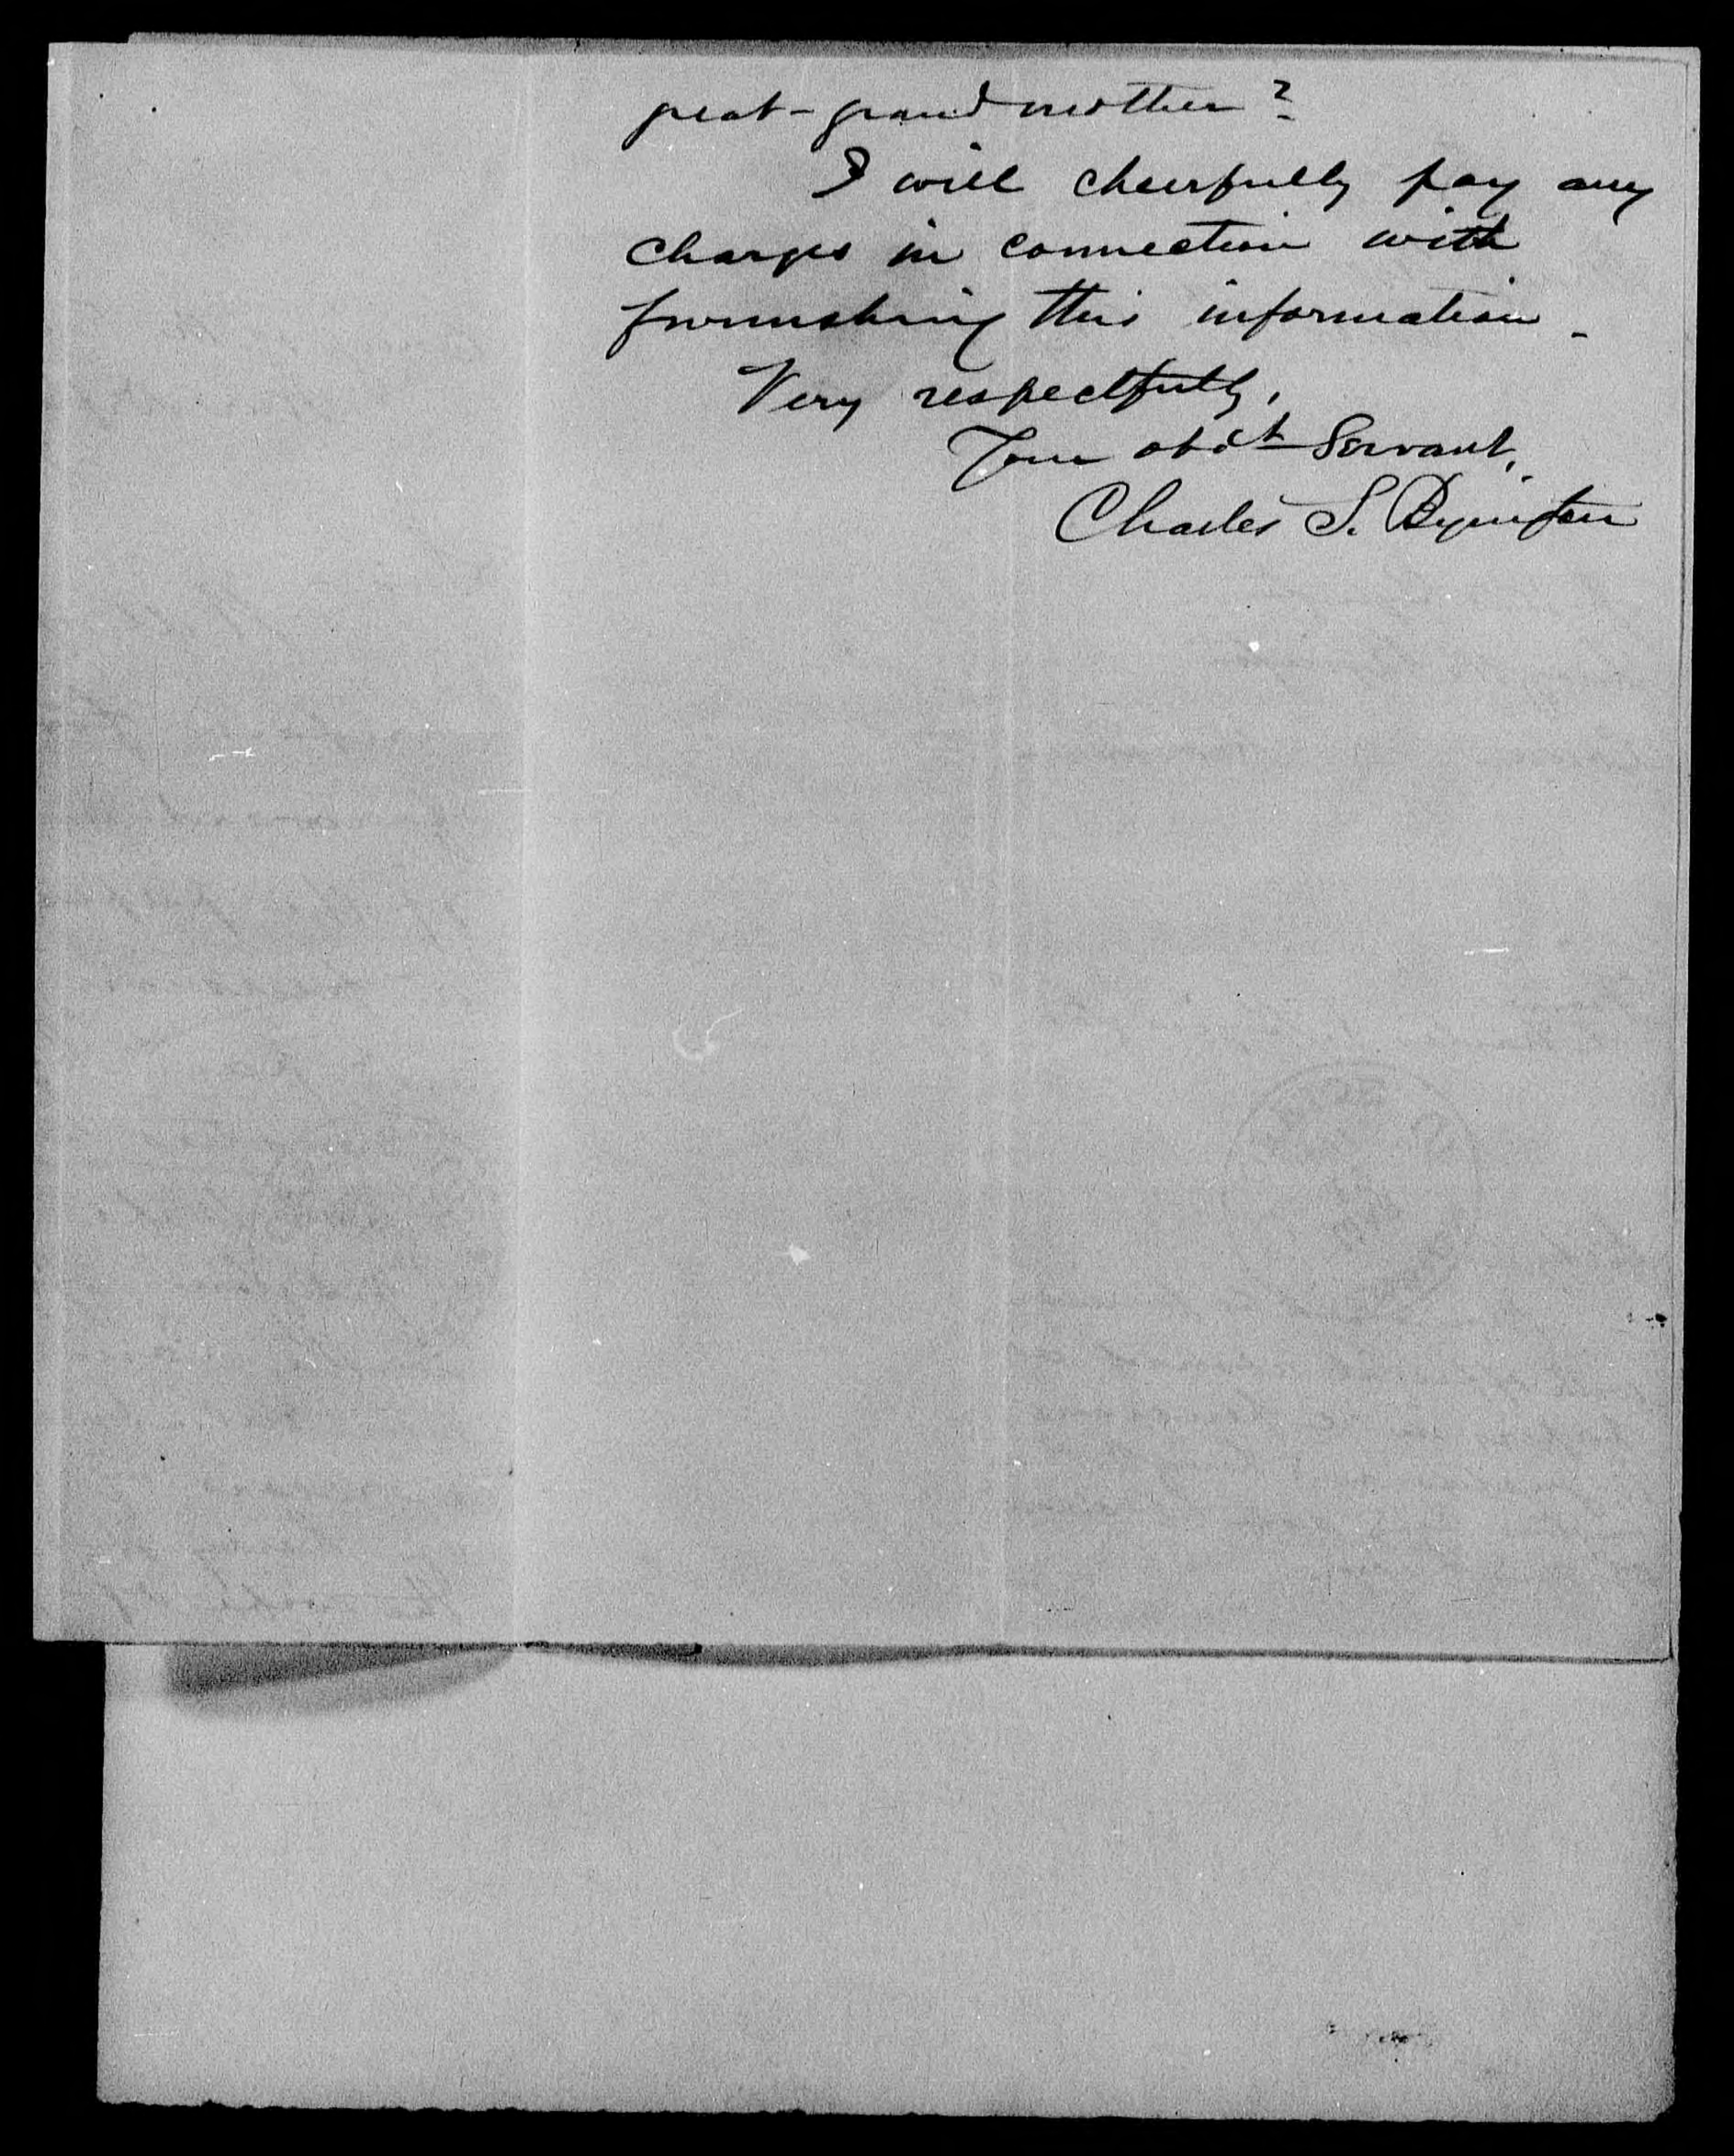great-grandmother?
I will cheerfully pay any charges in connection with furnishing this information.
Very respectfully,
Your obdt Servant
Charles S. Byington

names: Charles S Byington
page: 71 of 79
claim: widow's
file: W. 23754, Justus Byington, Conn.